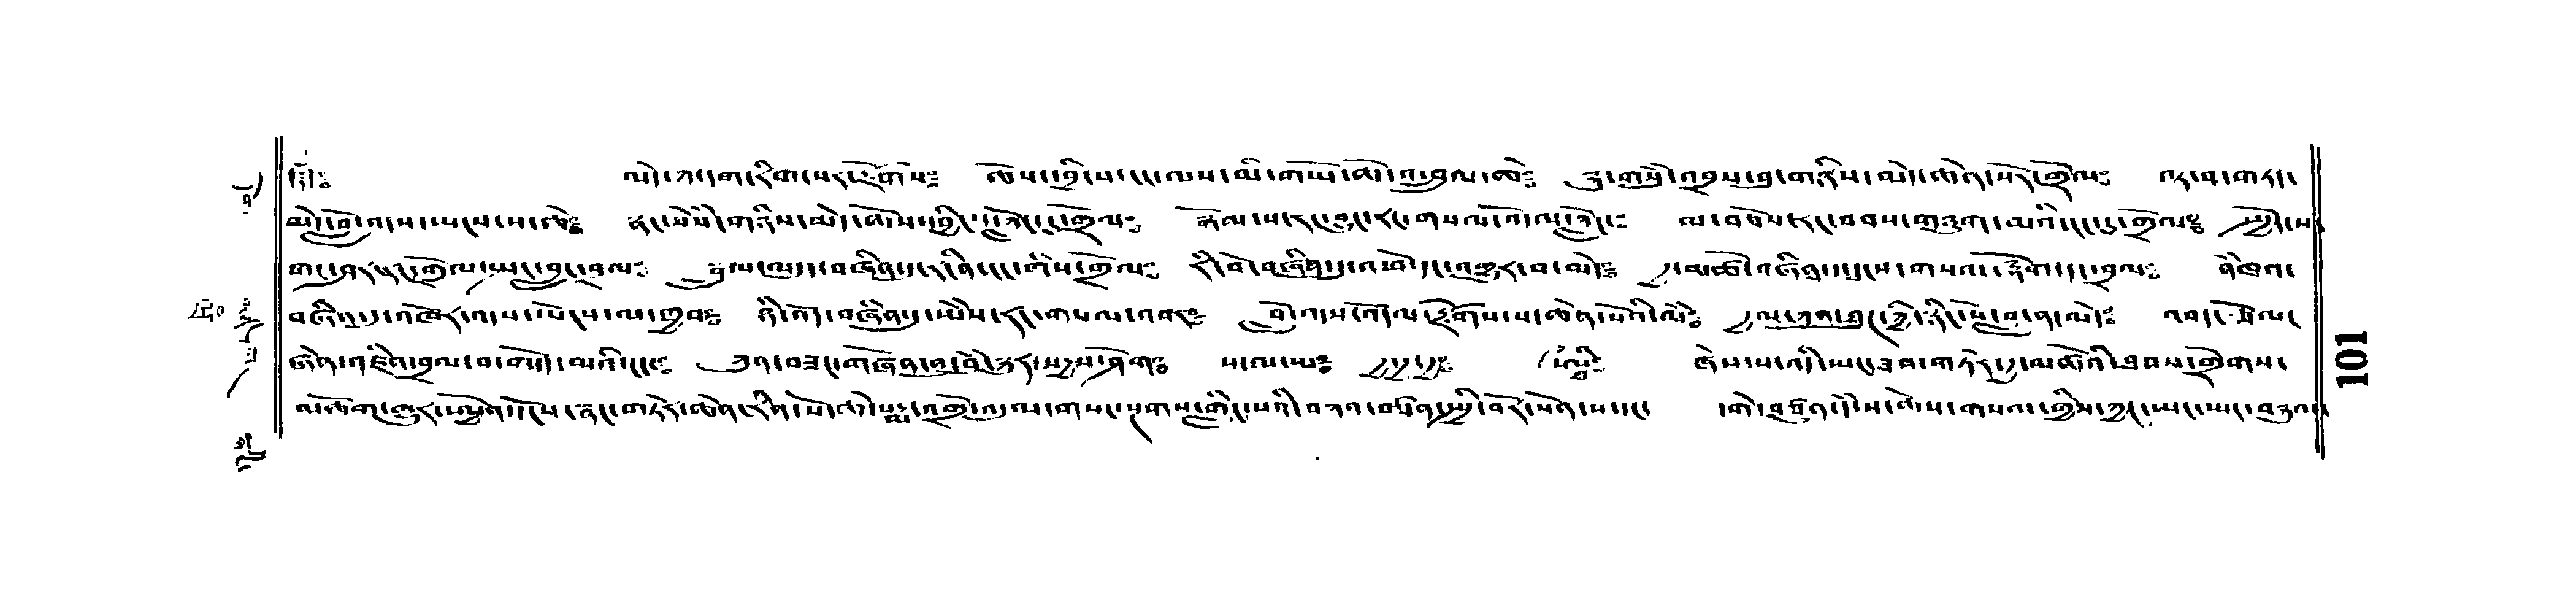མེད་ཀ་དག་རིག་པར་རྫོགས༔ ཆོས་དབྱིངས་ངང་ལས་མི་གཡོ་ཆོ་འཕྲུལ་ཆེ༔ སྐུ་གསུམ་འབྲས་བུ་གཉིས་མེད་ཆེན་པོར་གྲོལ༔ ལྟ་བ་གཏད་
མེད་བློ་འདས་ཡངས་པ་ཆེ༔ སྣང་སེམས་གཉིས་མེད་ཆོས་དབྱིངས་ཀློང་དུ་གྲོལ༔ སྒོམ་པ་རང་བྱུང་རང་གསལ་འོད་གསལ་ཀློང༔ མ་བཅོས་རང་བབས་གཉུག་མའི་ངང་དུ་གྲོལ༔ སྤྱོད་པ་
གང་ཤར་རང་གྲོལ་སྤང་བླང་བྲལ༔ སྦྲུལ་མདུད་བཞིན་དུ་རང་བཞིན་ངང་གིས་གྲོལ༔ རི་བོ་བཞིན་དུ་འཕོ་དང་འགྱུར་བ་མེད༔ རྒྱ་མཚོ་བཞིན་དུ་དྭངས་གསལ་སྙོག་དང་བྲལ༔ ནམ་མཁའ་
བཞིན་དུ་འཁོར་འདས་ཡོངས་ལ་ཁྱབ༔ ཉི་འོད་བཞིན་དུ་ཡེ་ཤེས་རང་གསལ་འབར༔ བློ་འདས་འོད་གསལ་རྫོགས་པ་ཆེན་པོའི་ལམ༔ རྒྱལ་ཀུན་ཐུགས་ཀྱི་སྙིང་པོ་བླ་ན་མེད༔ འབད་རྩོལ་
ཞེན་འཛིན་བྲལ་བ་གདོད་མའི་ངང༔ ཀུན་བཟང་གཞོན་ནུ་བུམ་སྐུར་སངས་རྒྱས་ཤོག༔ ས་མ་ཡ༔ རྒྱ་རྒྱ་རྒྱ༔ ༔ ཞེས་པ་འདི་ཡང་ཟབ་གཏེར་རྒྱ་མཚོའི་ཐབས་གྲོགས་
མཆོག་གྱུར་ཨོ་རྒྱན་དངོས་སྣང་གཏེར་ཆེན་རིན་པོ་ཆེ་པདྨ་འགྲོ་འདུལ་གསང་སྔགས་གླིང་པའི་བཀའ་བཙན་སྤྱི་བོར་སོན་པ་དང་། དགེ་བཙུན་དམ་པ་ཆོས་གསལ་གྱིས་ཀྱང་ཡང་ཡང་བསྐུལ་